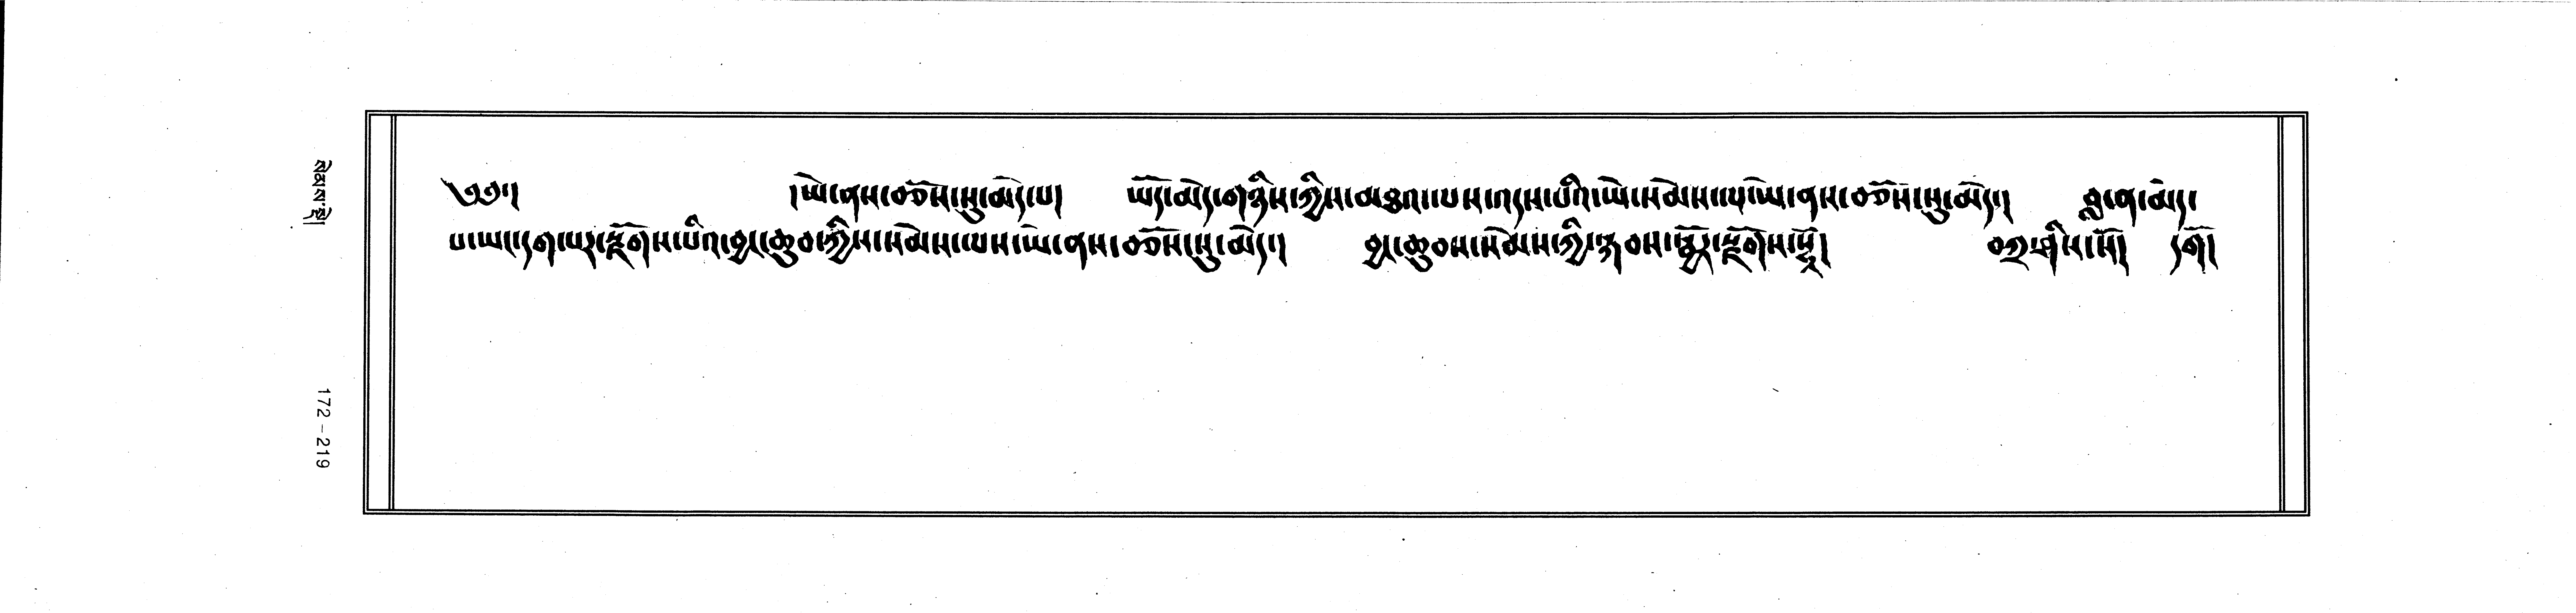ཡེ་ནས་བཅོས་སུ་མེད་པ། ཡོད་མེད་གཉིས་ཀྱིས་མཐའ་ལས་འདས་པའི་སེམས་ལ་ཡེ་ནས་བཅོས་སུ་མེད། བླ་ན་མེད་
པ་ཡང་དག་པར་རྫོགས་པའི་བྱང་ཆུབ་ཀྱིས་སེམས་ལས་ཡེ་ནས་བཅོས་སུ་མེད། བྱང་ཆུབ་སེམས་ཀྱི་སྐབས་སྦྱོར་རྫོགས་སྷཱོ། བཀྲ་ཤིས་སྭོ། དགེའོ།